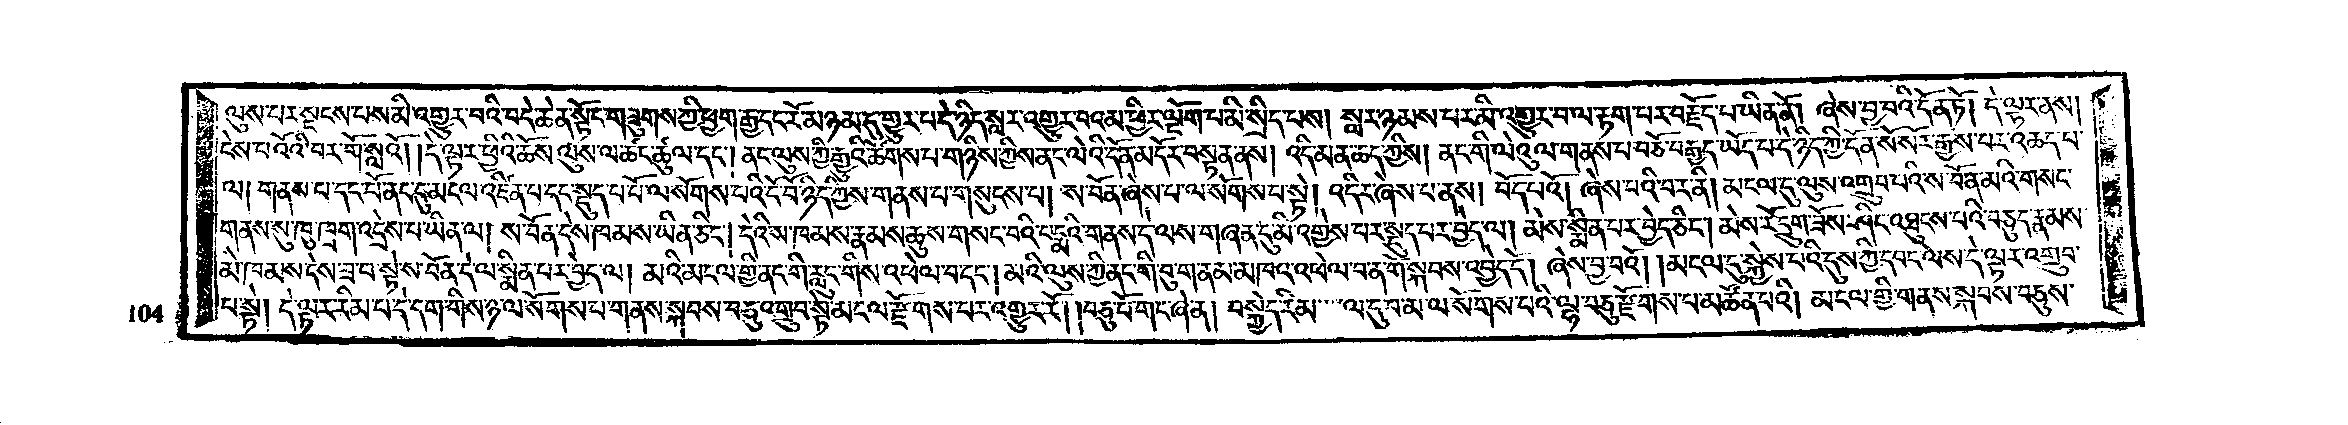ལུས་པར་སྔངས་པས་མི་འགྱུར་བའི་བདེ་ཆེན་སྟོང་གཟུགས་ཀྱི་ཕྱག་རྒྱ་དང་རོ་མཉམ་དུ་གྱུར་པ་དེ་ཉིད་སླར་འགྱུར་བའམ་ཕྱིར་ལྡོག་པ་མི་སྲིད་པས། སླར་ཉམས་པར་མི་འགྱུར་བ་ལ་རྟག་པར་བརྗོད་པ་ཡིན་ནོ། ཞེས་བྱ་བའི་དོན་ཏོ། དེ་ལྟར་ནས།
ངེས་པའོའི་བར་གོ་སླའོ། །དེ་ལྟར་ཕྱིའི་ཆོས་ལུས་ལ་ཚང་ཚུལ་དང་། ནང་ལུས་ཀྱི་རྒྱུའི་ཚོགས་པ་གཉིས་ཀྱིས་ནང་ལེའི་དོན་མདོར་བསྟན་ནས། འདི་མན་ཆད་ཀྱིས། ནང་གི་ལེའུ་ལ་གནས་པ་བཅོ་བརྒྱད་ཡོད་པ་དེ་ཉིད་ཀྱི་དོན་སོ་སོར་རྒྱས་པར་འཆད་པ་
ལ། གནས་པ་དང་པོ་ནང་དུ་མངལ་འཛིན་པ་དང་སྡུད་པ་པོ་ལ་སོགས་པའི་ངོ་བོ་ཉིད་ཀྱིས་གནས་པ་གསུངས་པ། ས་བོན་ཞེས་པ་ལ་སོགས་པ་སྟེ། འདིར་ཞེས་པ་ནས། བོད་པའོ། ཞེས་པའི་བར་ནི། མངལ་དུ་ལུས་འགྲུབ་པའི་ས་བོན་མའི་གསང་
གནས་སུ་ཁུ་ཁྲག་འདྲེས་པ་ཡིན་ལ། ས་བོན་དེས་ཁམས་ཡིན་ཅིང་། དེའི་ས་ཁམས་རྣམས་ཆུས་གསང་བའི་པདམའི་གནས་དེ་ལས་གཞན་དུ་མི་འགྱེས་པར་སྡུད་པར་བྱེད་ལ། མེས་སྨིན་པར་བྱེད་ཅིང་། མེས་རོ་དྲུག་ཟོས་ཤིང་འཐུངས་པའི་བཅུད་རྣམས་
མེ་ཁམས་དེས་ཟ་བ་སྟེ་ས་བོན་དེ་ལ་སྨིན་པར་བྱེད་ལ། མའི་མངལ་གྱི་ནང་གི་རླུང་གིས་འཕེལ་བ་དང་། མའི་ལུས་ཀྱི་ནང་གི་བུ་ག་ནམ་མཁའ་འཕེལ་བ་ན་གོ་སྐབས་འབྱེད་དོ། ཞེས་བྱ་བའོ། །མངལ་དུ་སྐྱེས་པའི་དུས་ཀྱི་དབང་ལས་དེ་ལྟར་འགྲུབ་
པ་སྟེ། དེ་ལྟར་རིམ་པ་དེ་དག་གིས་ཉ་ལ་སོགས་པ་གནས་སྐབས་བཅུ་འགྲུབ་སྟེ་མངལ་རྫོགས་པར་འགྱུར་རོ། །བཅུ་པོ་གང་ཞེ་ན། བསྐྱེད་རིམ་ལ་དུ་བ་མ་ལ་སོགས་པའི་ལྷ་བཅུ་རྫོགས་པ་མཚོན་པའི། མངལ་གྱི་གནས་སྐབས་བཅུས་